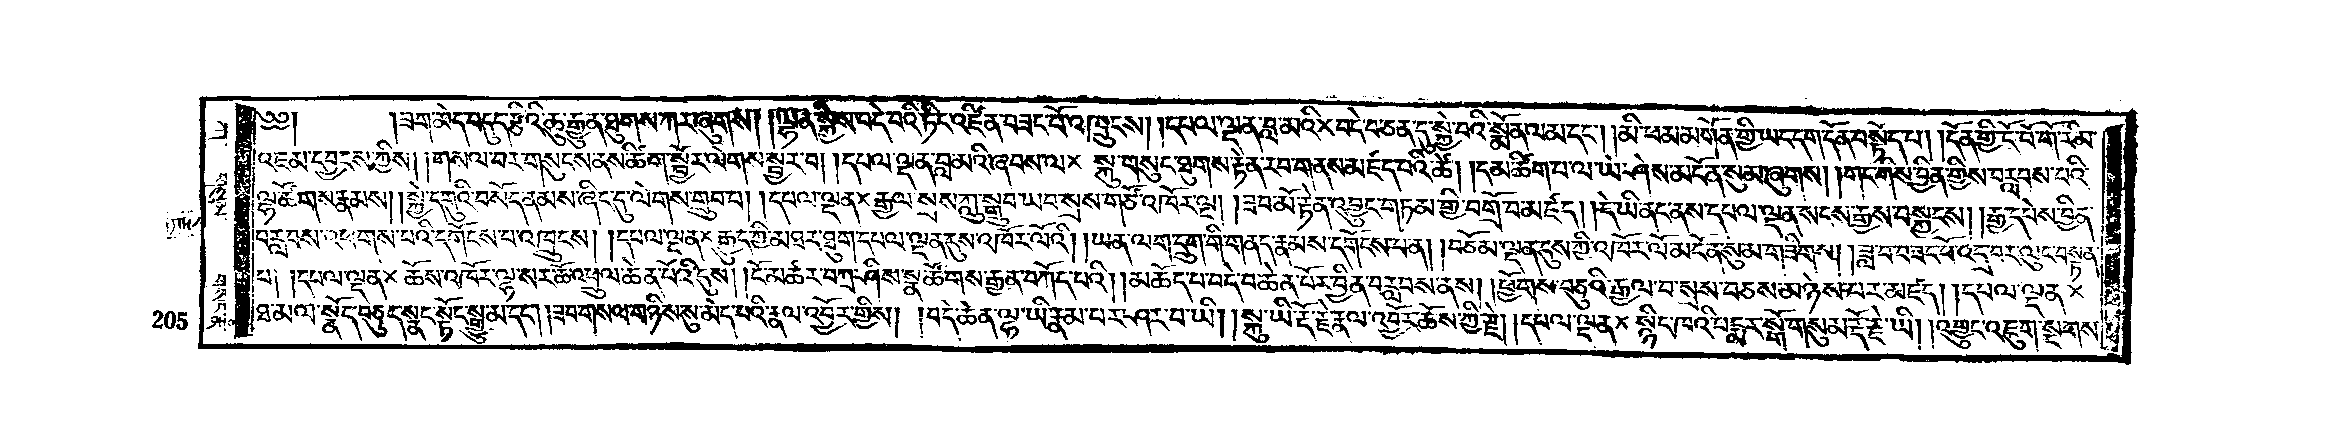༄༅། །ཟག་མེད་བདུད་རྩིའི་ཆུ་རྒྱུན་ཐུགས་ཀར་ཞུགས། །ལྷན་སྐྱེས་བདེ་བའི་ཏིང་འཛིན་བཟང་པོ་འཁྲུངས། །དཔལ་ལྡན་བླ་མའི྾་བདེ་བ་ཅན་དུ་སྐྱེ་བའི་སྨོན་ལམ་དང་། །མི་ཕམ་མགོན་གྱི་ཡང་དག་དོན་བསྟོད་པ། །དོན་གྱི་ངོ་བོ་གོ་རིམ་
འཇམ་དབྱངས་ཀྱིས། །གསལ་བར་གསུངས་ནས་ཚིག་སྦྱོར་ལེགས་སྦྱར་བ། །དཔལ་ལྡན་བླ་མའི་ཞབས་ལ྾་སྐུ་གསུང་ཐུགས་རྟེན་རབ་གནས་མཛད་པའི་ཚེ། །དམ་ཚིག་པ་ལ་ཡེ་ཤེས་མངོན་སུམ་ཞུགས། །གང་གིས་བྱིན་གྱིས་བརླབས་པའི་
ལྷ་ཚོགས་རྣམས། །སྐྱེ་དགུའི་བསོད་ནམས་ཞིང་དུ་ལེགས་གྲུབ་པ། །དཔལ་ལྡན྾་རྒྱལ་སྲས་ཀླུ་སྒྲུབ་ཡབ་སྲས་གཙོ་འཁོར་ལྔ། །ཟབ་མོ་རྟེན་འབྱུང་གཏམ་གྱི་བགྲོ་བ་མཛད། །དེ་ཡི་ནང་ནས་དཔལ་ལྡན་སངས་རྒྱས་བསྐྱངས། །རྒྱ་དཔེས་བྱིན་
བརླབས་འཕགས་པའི་དགོངས་པ་འཁྲུངས། །དཔལ་ལྡན྾་རྒྱུད་ཀྱི་མཐར་ཐུག་དཔལ་ལྡན་དུས་འཁོར་ལོའི། །ཡན་ལག་དྲུག་གི་གནད་རྣམས་དགོངས་པ་ན། །བཅོམ་ལྡན་དུས་ཀྱི་འཁོར་ལོ་མངོན་སུམ་གཟིགས། །ཟླ་བ་བཟང་པོ་འདྲ་བར་ལུང་བསྟན་
པ། །དཔལ་ལྡན྾་ཆོས་འཁོར་ལྷ་སར་ཆོ་འཕྲུལ་ཆེན་པོའི་དུས། །ངོ་མཚར་བཀྲ་ཤིས་སྣ་ཚོགས་རྒྱན་བཀོད་པའི། །མཆོད་པ་བདེ་བ་ཆེན་པོར་བྱིན་བརླབས་ནས། །ཕྱོགས་བཅུའི་རྒྱལ་བ་སྲས་བཅས་མཉེས་པར་མཛད། །དཔལ་ལྡན྾་
ཐ་མལ་སྣོད་བཅུད་སྣང་སྟོང་སྒྱུ་མ་དང་། །ཟབ་གསལ་གཉིས་སུ་མེད་པའི་རྣལ་འབྱོར་གྱིས། །བདེ་ཆེན་ལྷ་ཡི་རྣམ་པར་ཤར་བ་ཡི། །སྐུ་ཡི་རྡོ་རྗེ་རྣལ་འབྱོར་ཆོས་ཀྱི་རྗེ། །དཔལ་ལྡན྾་སྙིང་ཁའི་པདམར་སྒོ་གསུམ་རྡོ་རྗེ་ཡི། །འགྱུང་འཇུག་སྔགས་